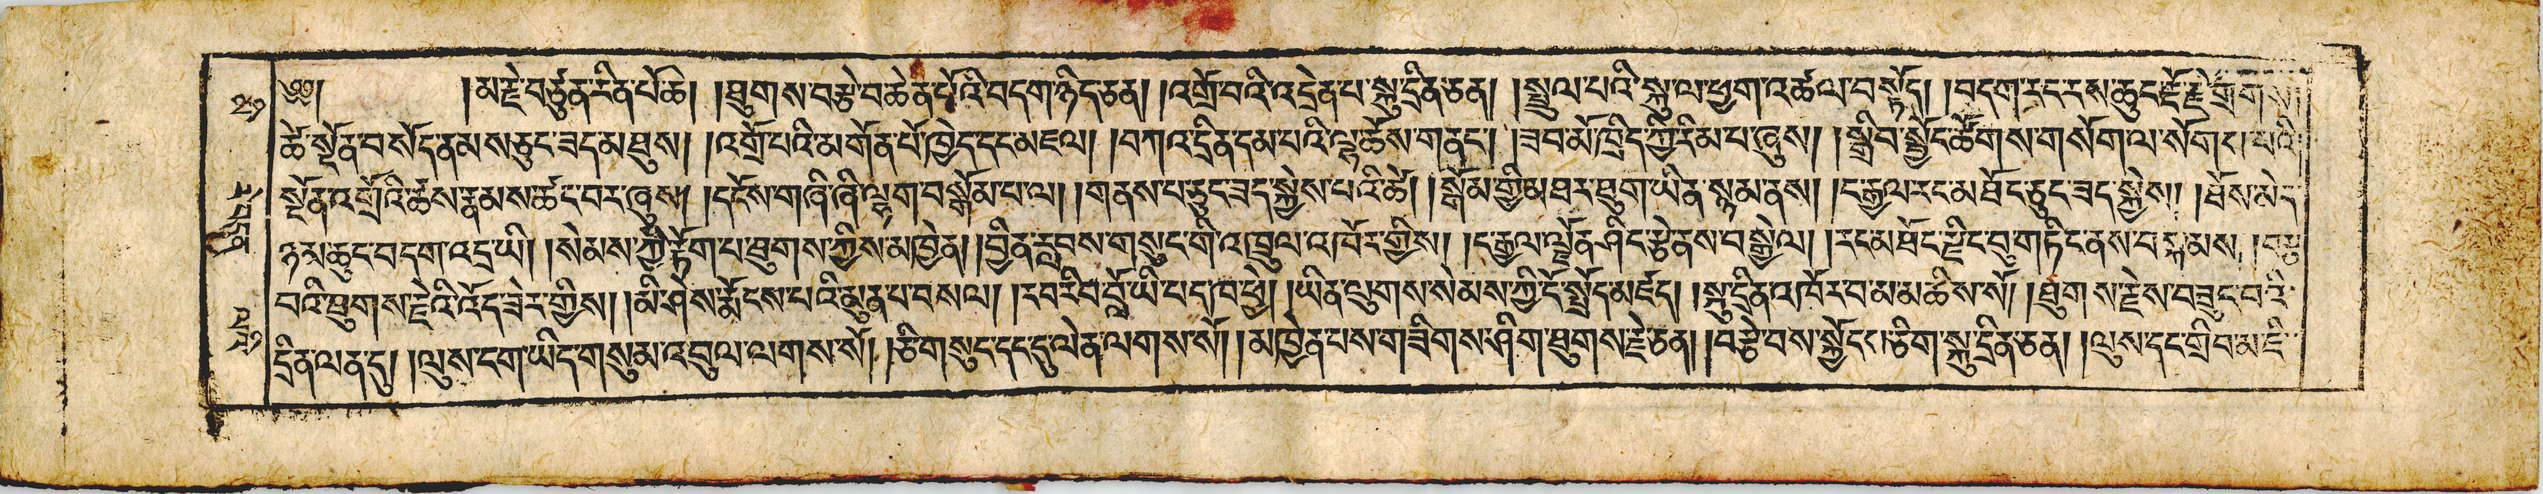།མ་རྗེ་བཙུན་རིན་པོ་ཆེ། །ཐུགས་བརྩེ་བ་ཆེན་པོའི་བདག་ཉིད་ཅན། །འགྲོ་བའི་འདྲེན་པ་སྐུ་དྲིན་ཅན། །སྤྲུལ་པའི་སྐུ་ལ་ཕྱག་འཚལ་བསྟོད། །བདག་རང་རས་ཆུང་རྡོ་རྗེ་གྲགས། 
ཚེ་སྔོན་བསོད་ནམས་ཅུང་ཟད་མཐུས། །འགྲོ་བའི་མགོན་པོ་ཁྱེད་དང་མཇལ། །བཀའ་དྲིན་དམ་པའི་ལྷ་ཆོས་གནང་། །ཟབ་མོ་ཁྲིད་ཀྱི་རིམ་པ་ཞུས། །སྒྲིབ་སྦྱོང་ཚོགས་གསོག་ལ་སོགས་པའི། །
སྔོན་འགྲོའི་ཆོས་རྣམས་ཚང་བར་ཞུས། །དངོས་གཞི་ཞི་ལྷག་བསྒོམ་པ་ལ། །གནས་པ་ཅུང་ཟད་སྐྱེས་པའི་ཚེ། །སྒོམ་གྱི་མཐར་ཐུག་ཡིན་སྙམ་ནས། །ང་རྒྱལ་རང་མཐོང་ཅུང་ཟད་སྐྱེས། །ཐོས་མེད་
ཉམ་ཆུང་བདག་འདྲ་ཡི། །སེམས་ཀྱི་རྟོག་པ་ཐུགས་ཀྱིས་མཁྱེན། །བྱིན་རླབས་གསུང་གི་འཁྲུལ་འཁོར་གྱིས། །ང་རྒྱལ་ལྗོན་ཤིང་རྩེ་ནས་བསྒྱེལ། །རང་མཐོང་རྫིང་བུ་གཏིང་ནས་བསྐམས །བརྩེ་
བའི་ཐུགས་རྗེའི་འོད་ཟེར་གྱིས། །མི་ཤེས་རྨོངས་པའི་མུན་པ་བསལ། །རབ་རིབ་བློ་ཡི་པད་ཁ་ཕྱེ། །ཡིན་ལུགས་སེམས་ཀྱི་ངོ་སྤྲོད་མཛད། །སྐུ་དྲིན་འཁོར་བ་མ་མཆིས་སོ། །ཐུགས་རྗེས་བཟུང་བའི་
དྲིན་ལན་དུ། །ལུས་ངག་ཡིད་གསུམ་འབུལ་ལགས་སོ། །ཅི་གསུང་དང་དུ་ལེན་ལགས་སོ། །མཁྱེནཔས་གཟིགས་ཤིག་ཐུགས་རྗེ་ཅན། །བརྩེ་བས་སྐྱོང་ཅིག་སྐུ་དྲིན་ཅན། །ལུས་དང་གྲིབ་མ་ཇི་